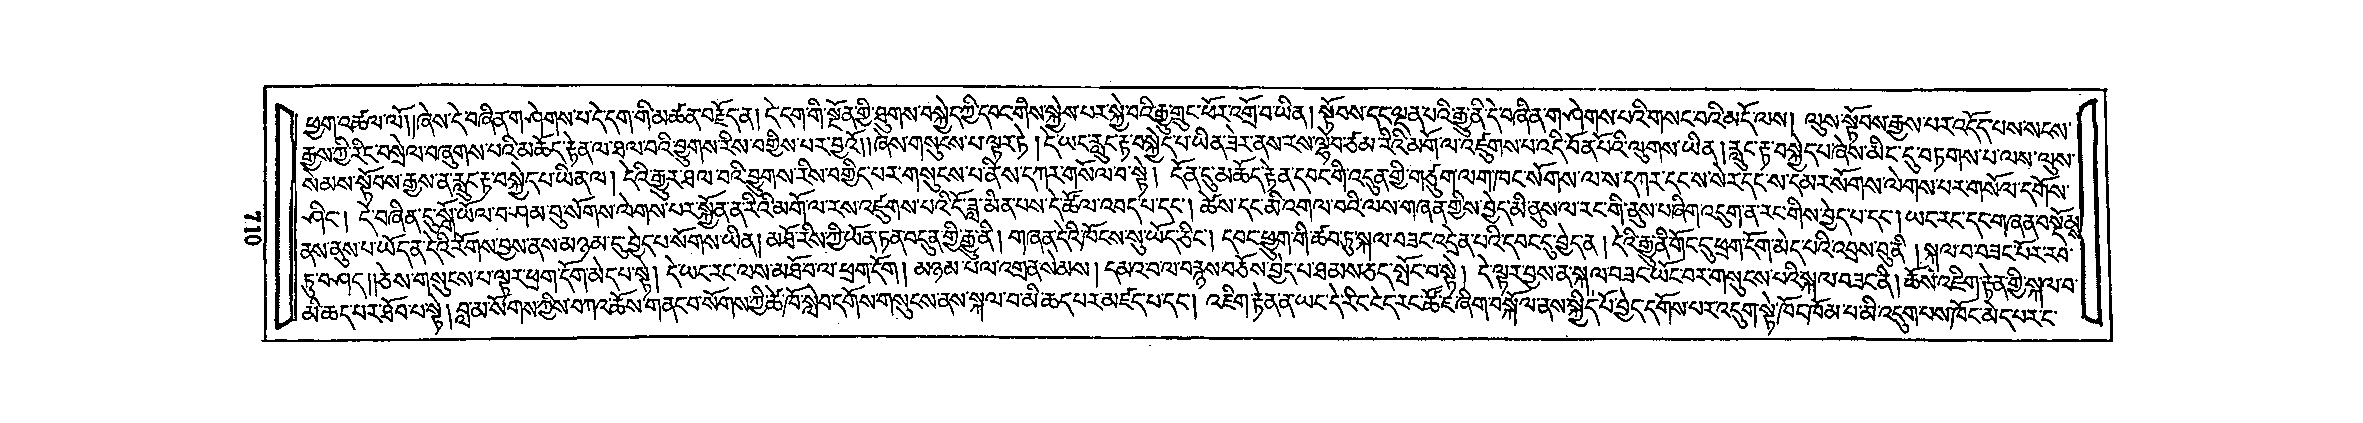ཕྱག་འཚལ་ལོ། །ཞེས་དེ་བཞིན་གཤེགས་པ་དེ་དག་གི་མཚན་བརྗོད་ན། དེ་དག་གི་སྔོན་གྱི་ཐུགས་བསྐྱེད་ཀྱི་དབང་གིས་སྐྱེས་པར་སྐྱེ་བའི་རྒྱུ་གྲུང་ཕོར་འགྲོ་བ་ཡིན། སྟོབས་དང་ལྡན་པའི་རྒྱུ་ནི་དེ་བཞིན་གཤེགས་པའི་གསང་བའི་མདོ་ལས། ལུས་སྟོབས་རྒྱས་པར་འདོད་པས་སངས་
རྒྱས་ཀྱི་རིང་བསྲེལ་བཞུགས་པའི་མཆོད་རྟེན་ལ་ཐལ་བའི་བྱུགས་རིས་བགྱིས་པར་བྱའོ། །ཞེས་གསུངས་པ་ལྟར་ཏེ། དེ་ཡང་རླུང་རྟ་བསྐྱེད་པ་ཡིན་ཟེར་ནས་རས་ལྷེབ་ཙམ་རིའི་མགོ་ལ་འཛུགས་པ་འདི་བོན་པོའི་ལུགས་ཡིན། རླུང་རྟ་བསྐྱེད་པ་ཞེས་མིང་དུ་བཏགས་པ་ལས་ལུས་
སེམས་སྟོབས་རྒྱས་ན་རླུང་རྟ་བསྐྱེད་པ་ཡིན་ལ། དེའི་རྒྱུར་ཐལ་བའི་བྱུགས་རིས་བགྱིད་པར་གསུངས་པ་ནི་ས་དཀར་གསོལ་བ་སྟེ། དོན་དུ་མཆོད་རྟེན་དབང་གི་འདུན་གྱི་གཙུག་ལག་ཁང་སོགས་ལ་ས་དཀར་དང་ས་སེར་དང་ས་དམར་སོགས་ལེགས་པར་གསོལ་དགོས་
ཤིང་། དེ་བཞིན་དུ་སྒོ་ཡོལ་བཤམ་བུ་སོགས་ལེགས་པར་སྐྱོན་ན་རིའི་མགོ་ལ་རས་འཛུགས་པའི་དོ་ཟླ་མིན་པས་དེ་ཚོལ་འབད་པ་དང་། ཚེས་དང་མི་འགལ་བའི་ལས་གཞན་གྱིས་བྱེད་མི་ནུས་ལ་རང་གི་ནུས་པ་ཞིག་འདུག་ན་རང་གིས་བྱེད་པ་དང་། ཡང་རང་དང་གཞན་བསྡོམས་
ནས་ནུས་པ་ཡོད་ན་དེའི་རོགས་བྱས་ནས་མཉམ་དུ་བྱེད་པ་སོགས་ཡིན། མཐོ་རིས་ཀྱི་ཡོན་ཏན་བདུན་གྱི་རྒྱུ་ནི། གཞན་དེའི་ཁོངས་སུ་ཡོད་ཅིང་། དབང་ཕྱུག་གི་ཚབ་ཏུ་སྐལ་བཟང་འདྲེན་པའི་དབང་དུ་བྱེད་ན། དེའི་རྒྱུ་ནི་གོང་དུ་ཕྲག་དོག་མེད་པའི་འབྲས་བུ་ནི། སྐལ་བ་བཟང་པོར་རབ་
ཏུ་བཤད། །ཅེས་གསུངས་པ་ལྟར་ཕྲག་དོག་མེད་པ་སྟེ། དེ་ཡང་རང་ལས་མཐོ་བ་ལ་ཕྲག་དོག །མཉམ་པ་ལ་འགྲན་སེམས། དམའ་བ་ལ་བརྙས་བཅོས་བྱེད་པ་ཐམས་ཅད་སྤོང་བ་སྟེ། དེ་ལྟར་བྱས་ན་སྐལ་བཟང་ཡོང་བར་གསུངས་པའི་སྐལ་བཟང་ནི། ཆོས་འཇིག་རྟེན་གྱི་སྐལ་བ་
མི་ཆད་པར་ཐོབ་པ་སྟེ། བླ་མ་སོགས་ཀྱིས་བཀའ་ཆོས་གནང་བ་སོགས་ཀྱི་ཚེ་ཁོ་སླེབ་དགོས་གསུངས་ནས་སྐལ་བ་མི་ཆད་པར་མཛད་པ་དང་། འཇིག་རྟེན་ན་ཡང་དེ་རིང་ངེད་རང་ཚོ་ཇ་ཞིག་བསྐོལ་ནས་སྐྱིད་པོ་བྱེད་དགོས་པར་འདུག་སྟེ་ཁོང་ཁོམ་པ་མི་འདུག་པས་ཁོང་མེད་པར་ང་